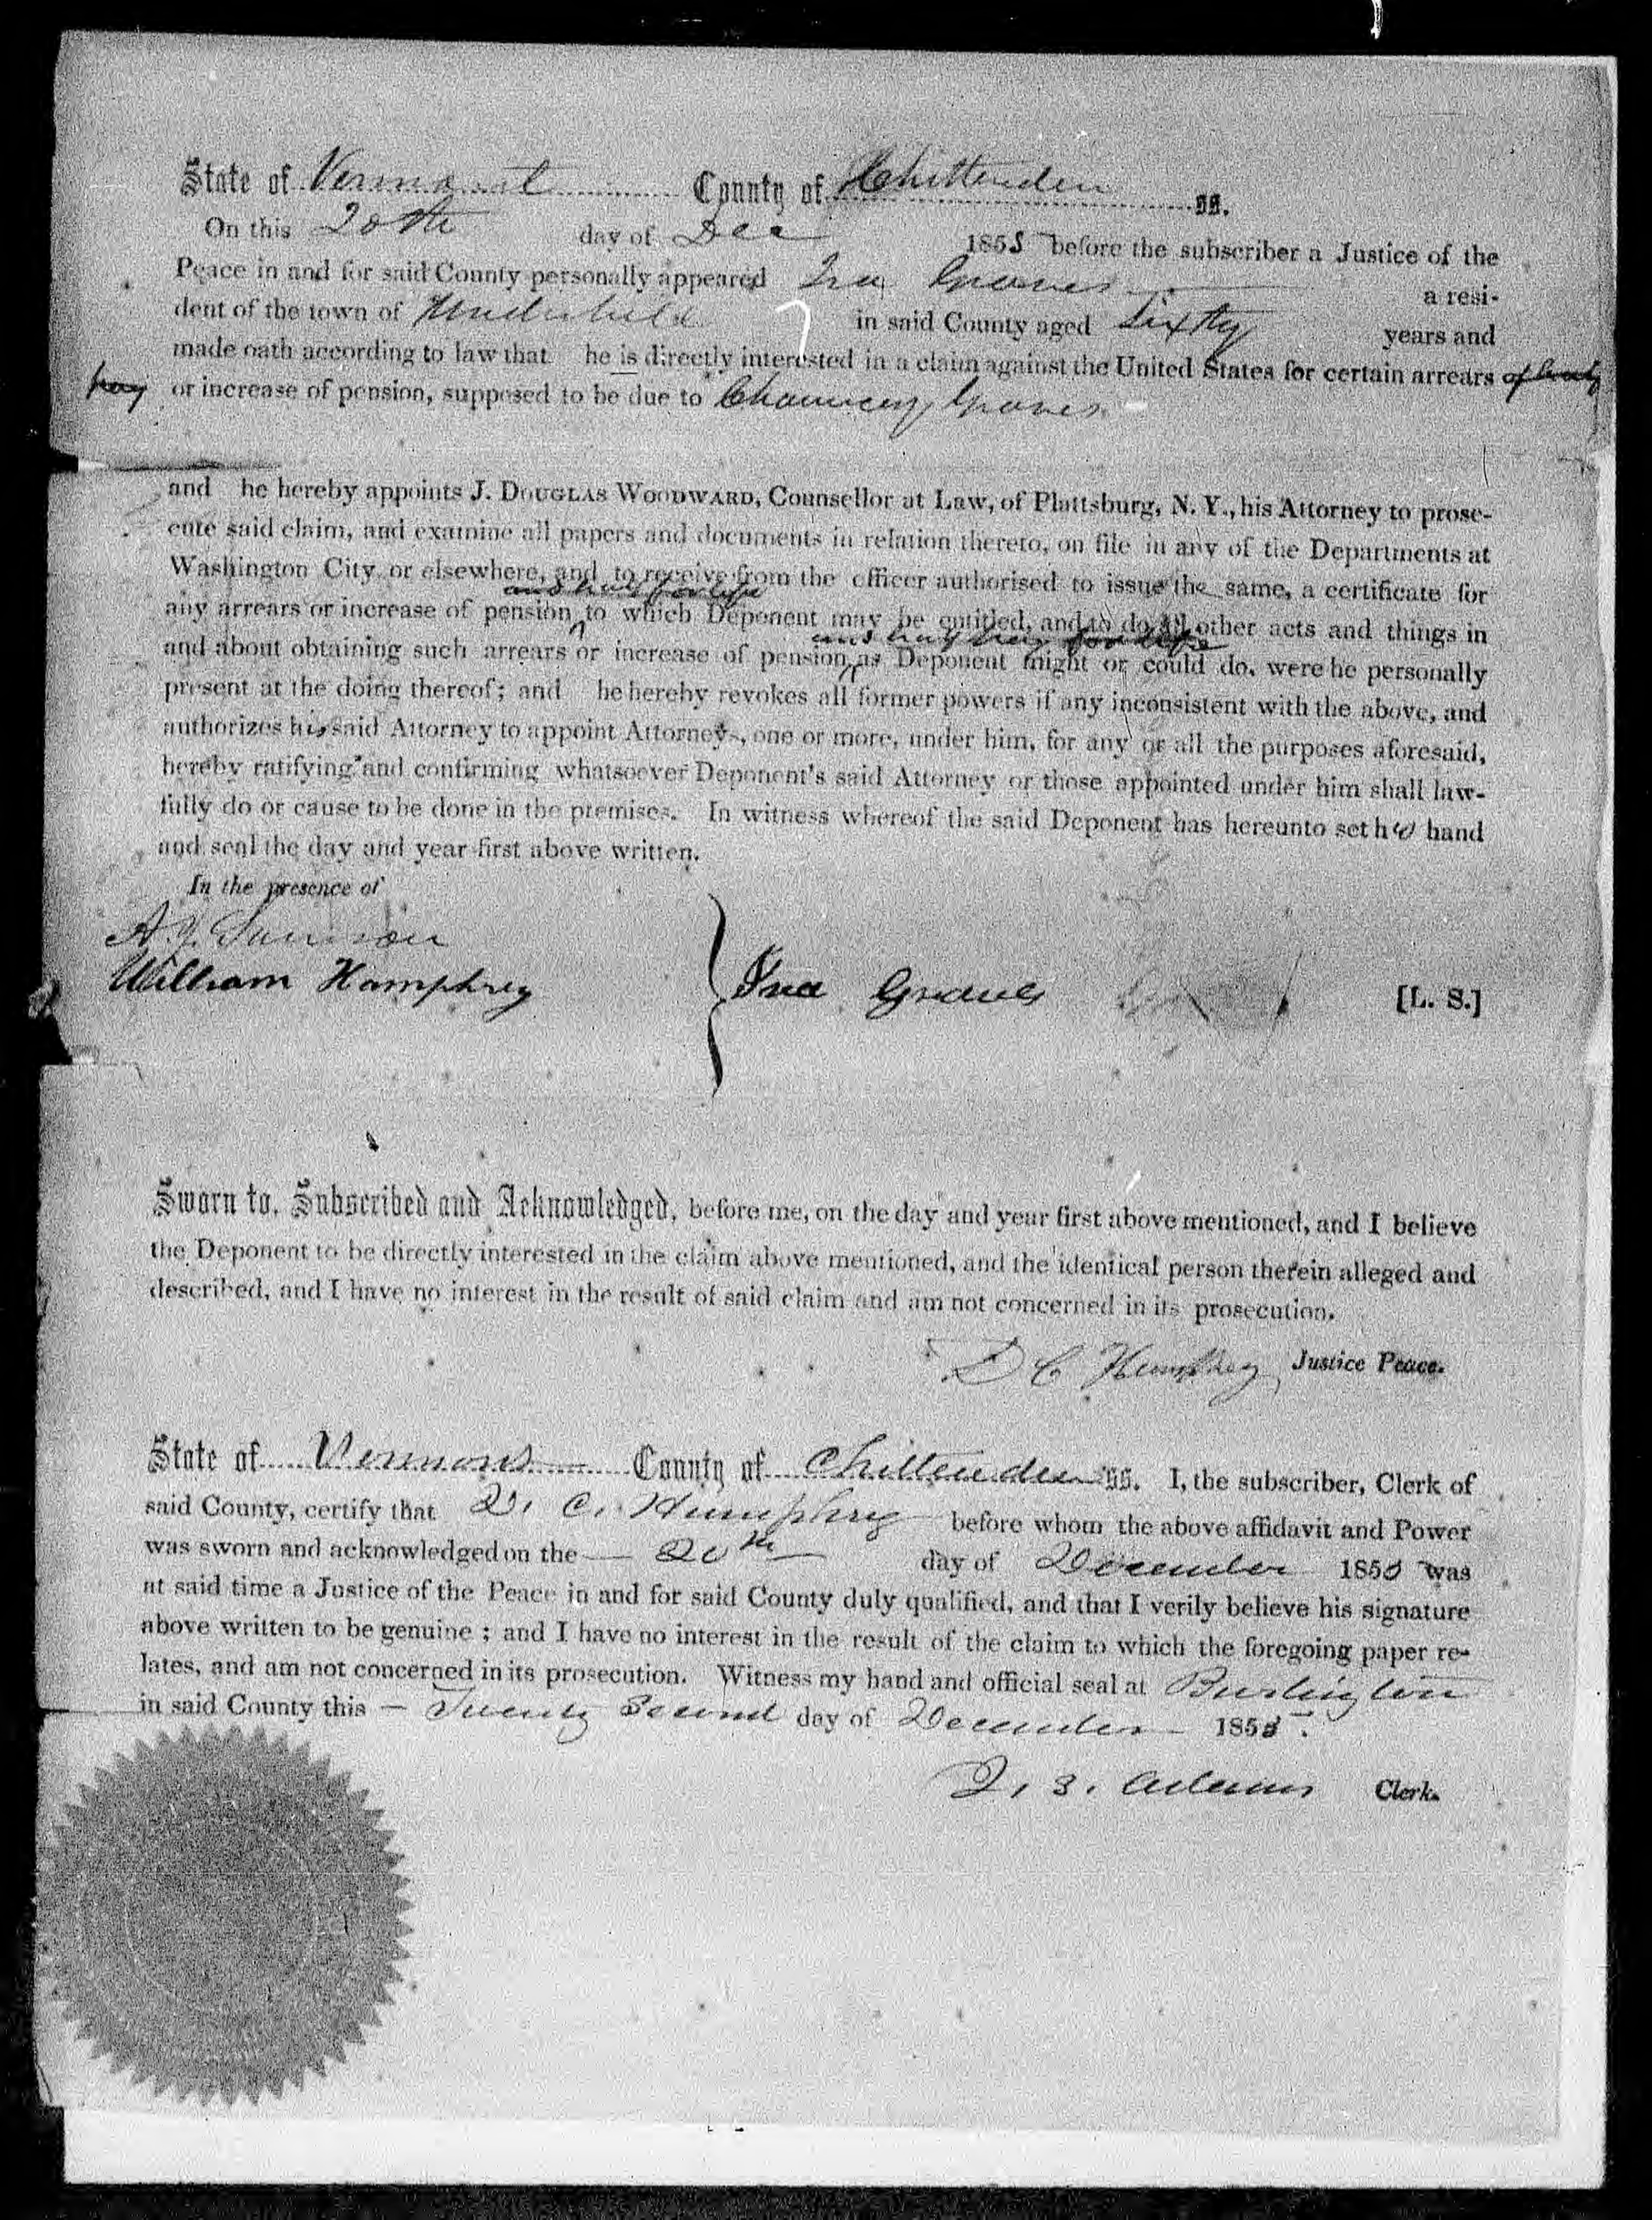State of Vermont   County of Chittenden
On this 20th day of 1853 before the subscriber a Justice of the Peace in and for said County personally appeared Ira Graves a resident of the town of Underhill in said County aged Sixty
years and made oath according to law that he is directly interested in a claim against the United States for certain arrears of
or increase of pension, supposed to be due to Chauncey Graves and he hereby appoints J. DOUGLAS WOODWARD, Counsellor at Law, of Plattsburg, N. Y., his Attorney to prosecute
said claim, and examine all papers and documents in relation thereto, on file in any of the Departments at Washington City or elsewhere, to the officer authorised to issue the same, a certificate for any arrears for increase of pension to which Deponent may be united, and all other acts and things in and about obtaining such arrears or increase of pension and half pay for life  Deponent might or could do, were the personally present at the doing thereof; and he hereby revoke all former powers if any inconsistent with the above, and
authorize his said Attorney to appoint Attorneys, one or more, under him, for any or all the purposes aforesaid, hereby ratifying and confirming whatsoever Deponent's said Attorney or those appointed under him shall law fully do or cause to be done in the premises. In witness whereof the said Deponent has hereunto set his hand
and seal the day and year first above written in
the presence of
A. J. by Samson    }  Ira Graves  [L.S.]
William Hamphrey

Sworn to, Subscribed and Acknowledged, before me, on the day and year first above mentioned, and I believe the Deponent to be directly interested in the claim above mentioned, and the identical person therein alleged and described, and I have no interest in the result of said claim and am not concerned in its prosecution.
D. C. Henley, Justice Peace

State of Vermont County of Chittenden SS. I, the subscriber, Clerk of said County, certify that D. C. Humphry before whom the above affidavit and Power was sworn and        acknowledged on the 20th day of December 1853 was at said time a Justice of the Peace in and for said County duly qualified, and that I verily believe his signature above written to be genuine; and I have no interest in the result of the claim to which the foregoing paper relates
, and am not concerned in its prosecution. Witness my hand and official seal at Burlington
in said County this Twenty second day of December 1853
213, Adams Clerk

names: J S Adams, William Hamphrey, J Douglas Woodward, Ira Graves, D C Hunphry, Ira Graves, A J Samson, Chauncey Graves, D C Humphry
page: 10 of 24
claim: survivor's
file: S. 15869, Chauncey Graves, Vt.